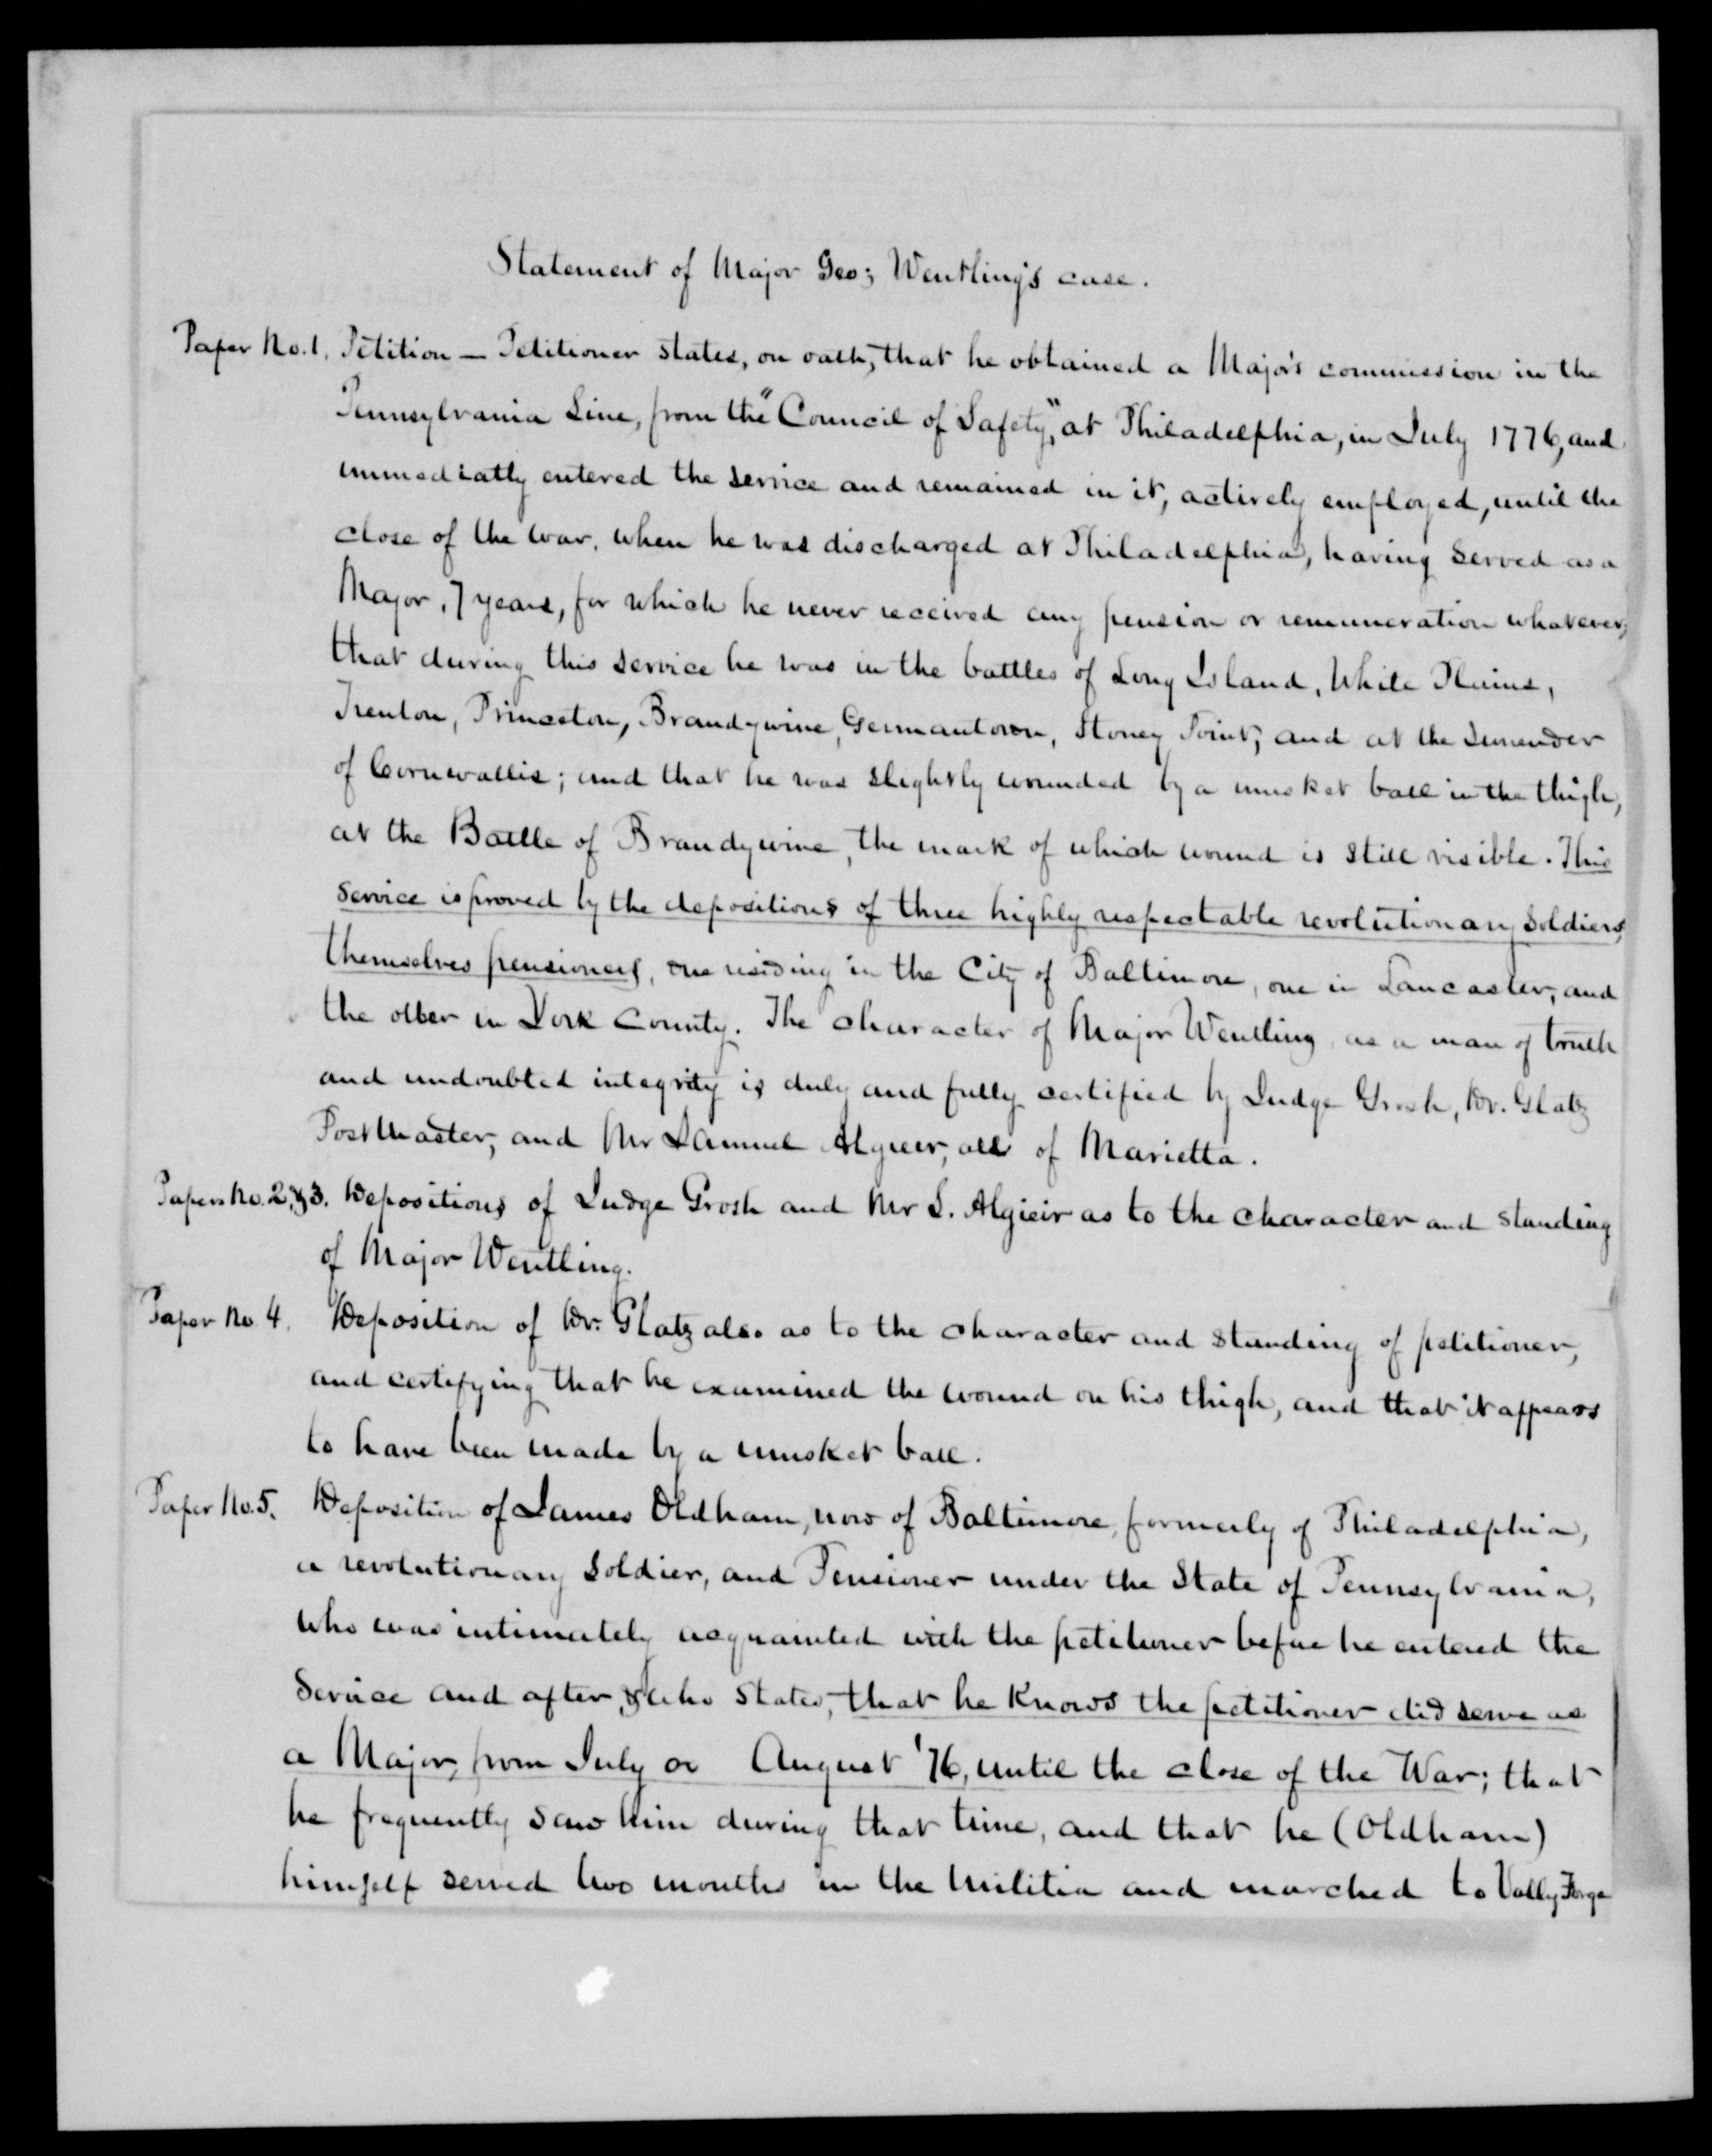Statement of Major Geo; Wentling's case.

Paper No. 1. Petition_ Petitioner states, on oath, that he obtained a Major's commission in the Pennsylvania Line, from the "Council of Safety," at Philadelphia, in July 1776, and immediately entered the service and remained in it, actively employed, until the close of the war, when he was discharged at Philadelphia, having Served as a Major, 7 years, for which he never received any pension or renumeration whatever, that during this service he was in the battles of Long Island, White Plains, Trenton, Princeton, Brandywine, the mark of which wound is still visible.  This service is proved by the depositions of three highly respectable revolutionary soldiers themselves pensioners, one residing in the City of Baltimore, one in Lancaster, and the other in York County.  The character of Major Wentling, as a man of truth and undoubted integrity is duly and fully certified by Judge Grosh, Dr. Glatz Postmaster, and Mr. Samuel Algier, all of Marietta.
Papers No. 2 & 3. Depositions of Judge Grosh and Mr. S. Algieir as to the character and standing of Major Wentling.
Paper No. 4.  Deposition of Dr. Glatz also as to the character and standing of petitioner, and certifying that he examined the wound on his thigh, and that it appears to have been made by a musket ball.
Paper no. 5.  Deposition of James Oldham, now of Baltimore, formerly of Philadelphia, a revolutionary soldier, and Pensioner under the State of Pennsylvania, a who was intimately acquainted with the petitioner before he entered the Service and after &  who states, that he knows the petitioner did serve as a Major, from July or August '76, until the close of the War; that he frequently saw him during that time, and that he (Oldham) himself served two mornths in the militia and marched to Valley Forge.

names: Samuel Alguer, Grosh, Glatz, Geo Wentling, James Oldham, S Algieir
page: 25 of 68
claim: survivor's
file: S. 6,358, George Wentling, Penn.